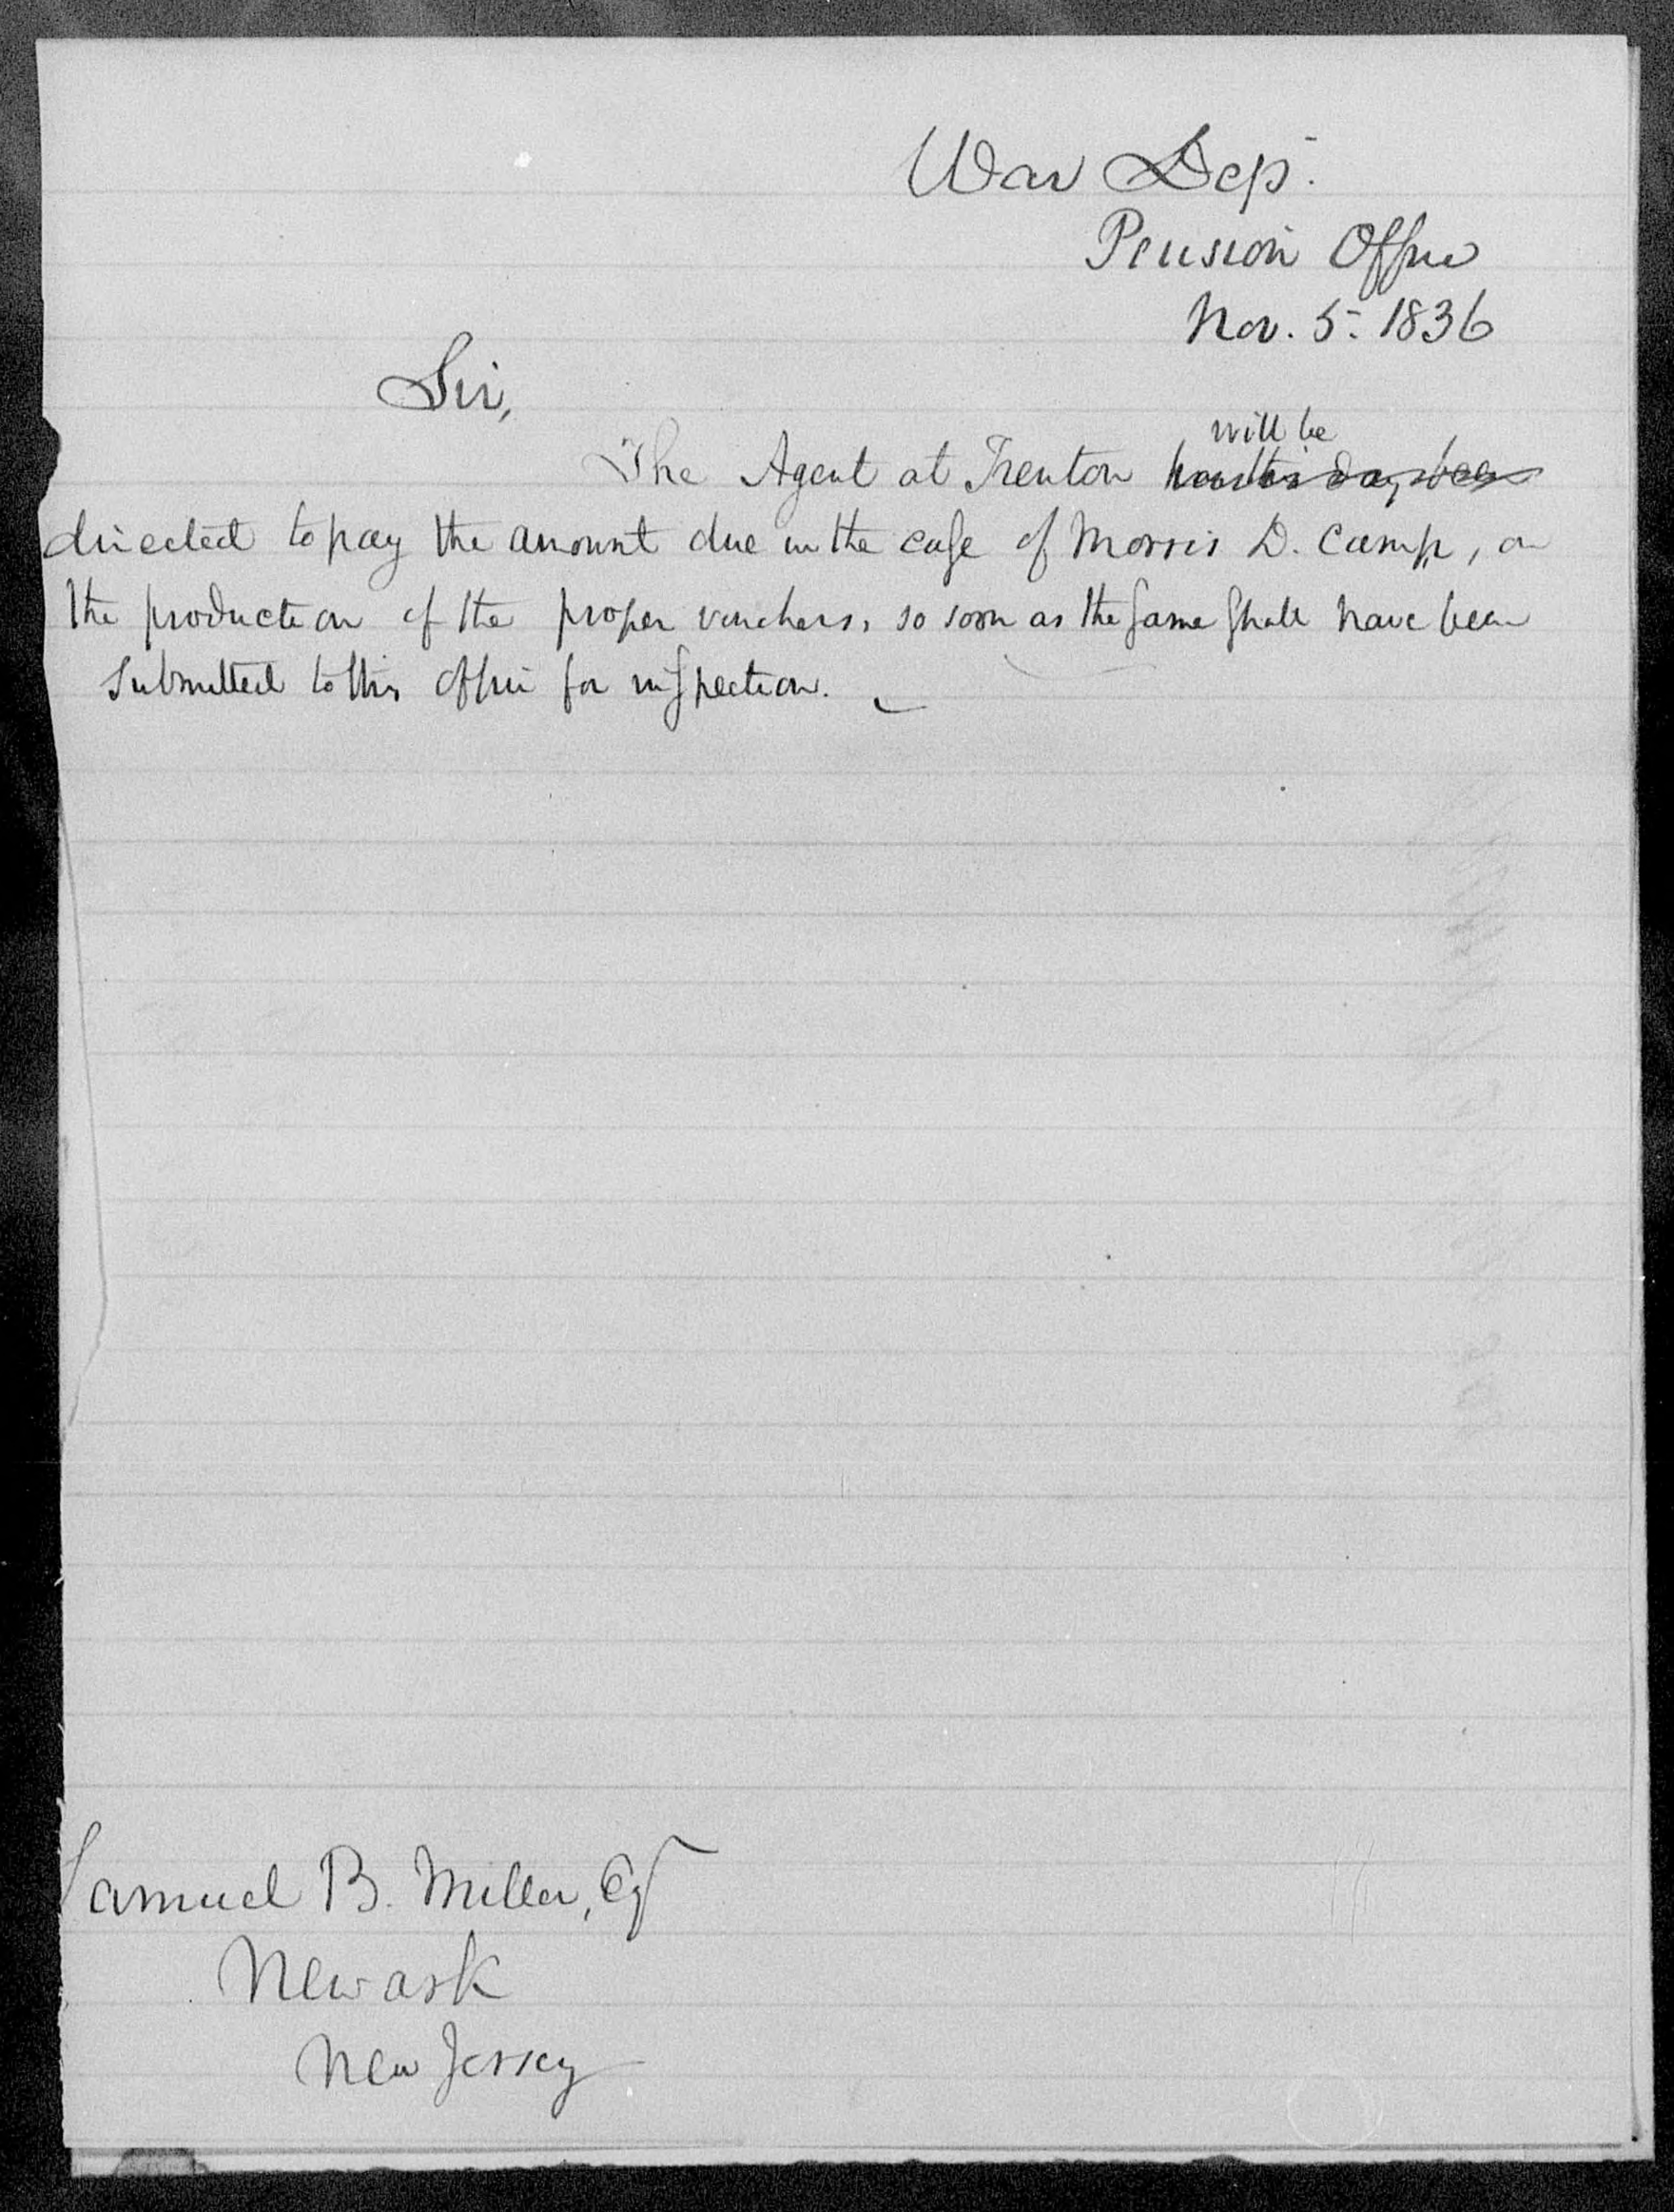War Dep 
Pension Office
Nov. 5 1836
Sir,
The Agent at Trenton will be directed to pay the amount due in the case of Morris D. Camp, on the production of the proper vouchers as soon as the same shall have been submitted to this office for inspection.
Samuel B Miller, Esqr Newark New Jersey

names: Samuel B Miller, Morris D Camp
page: 31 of 52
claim: survivor's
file: S. 34172, Morris D Camp, Continental (New Jersey)